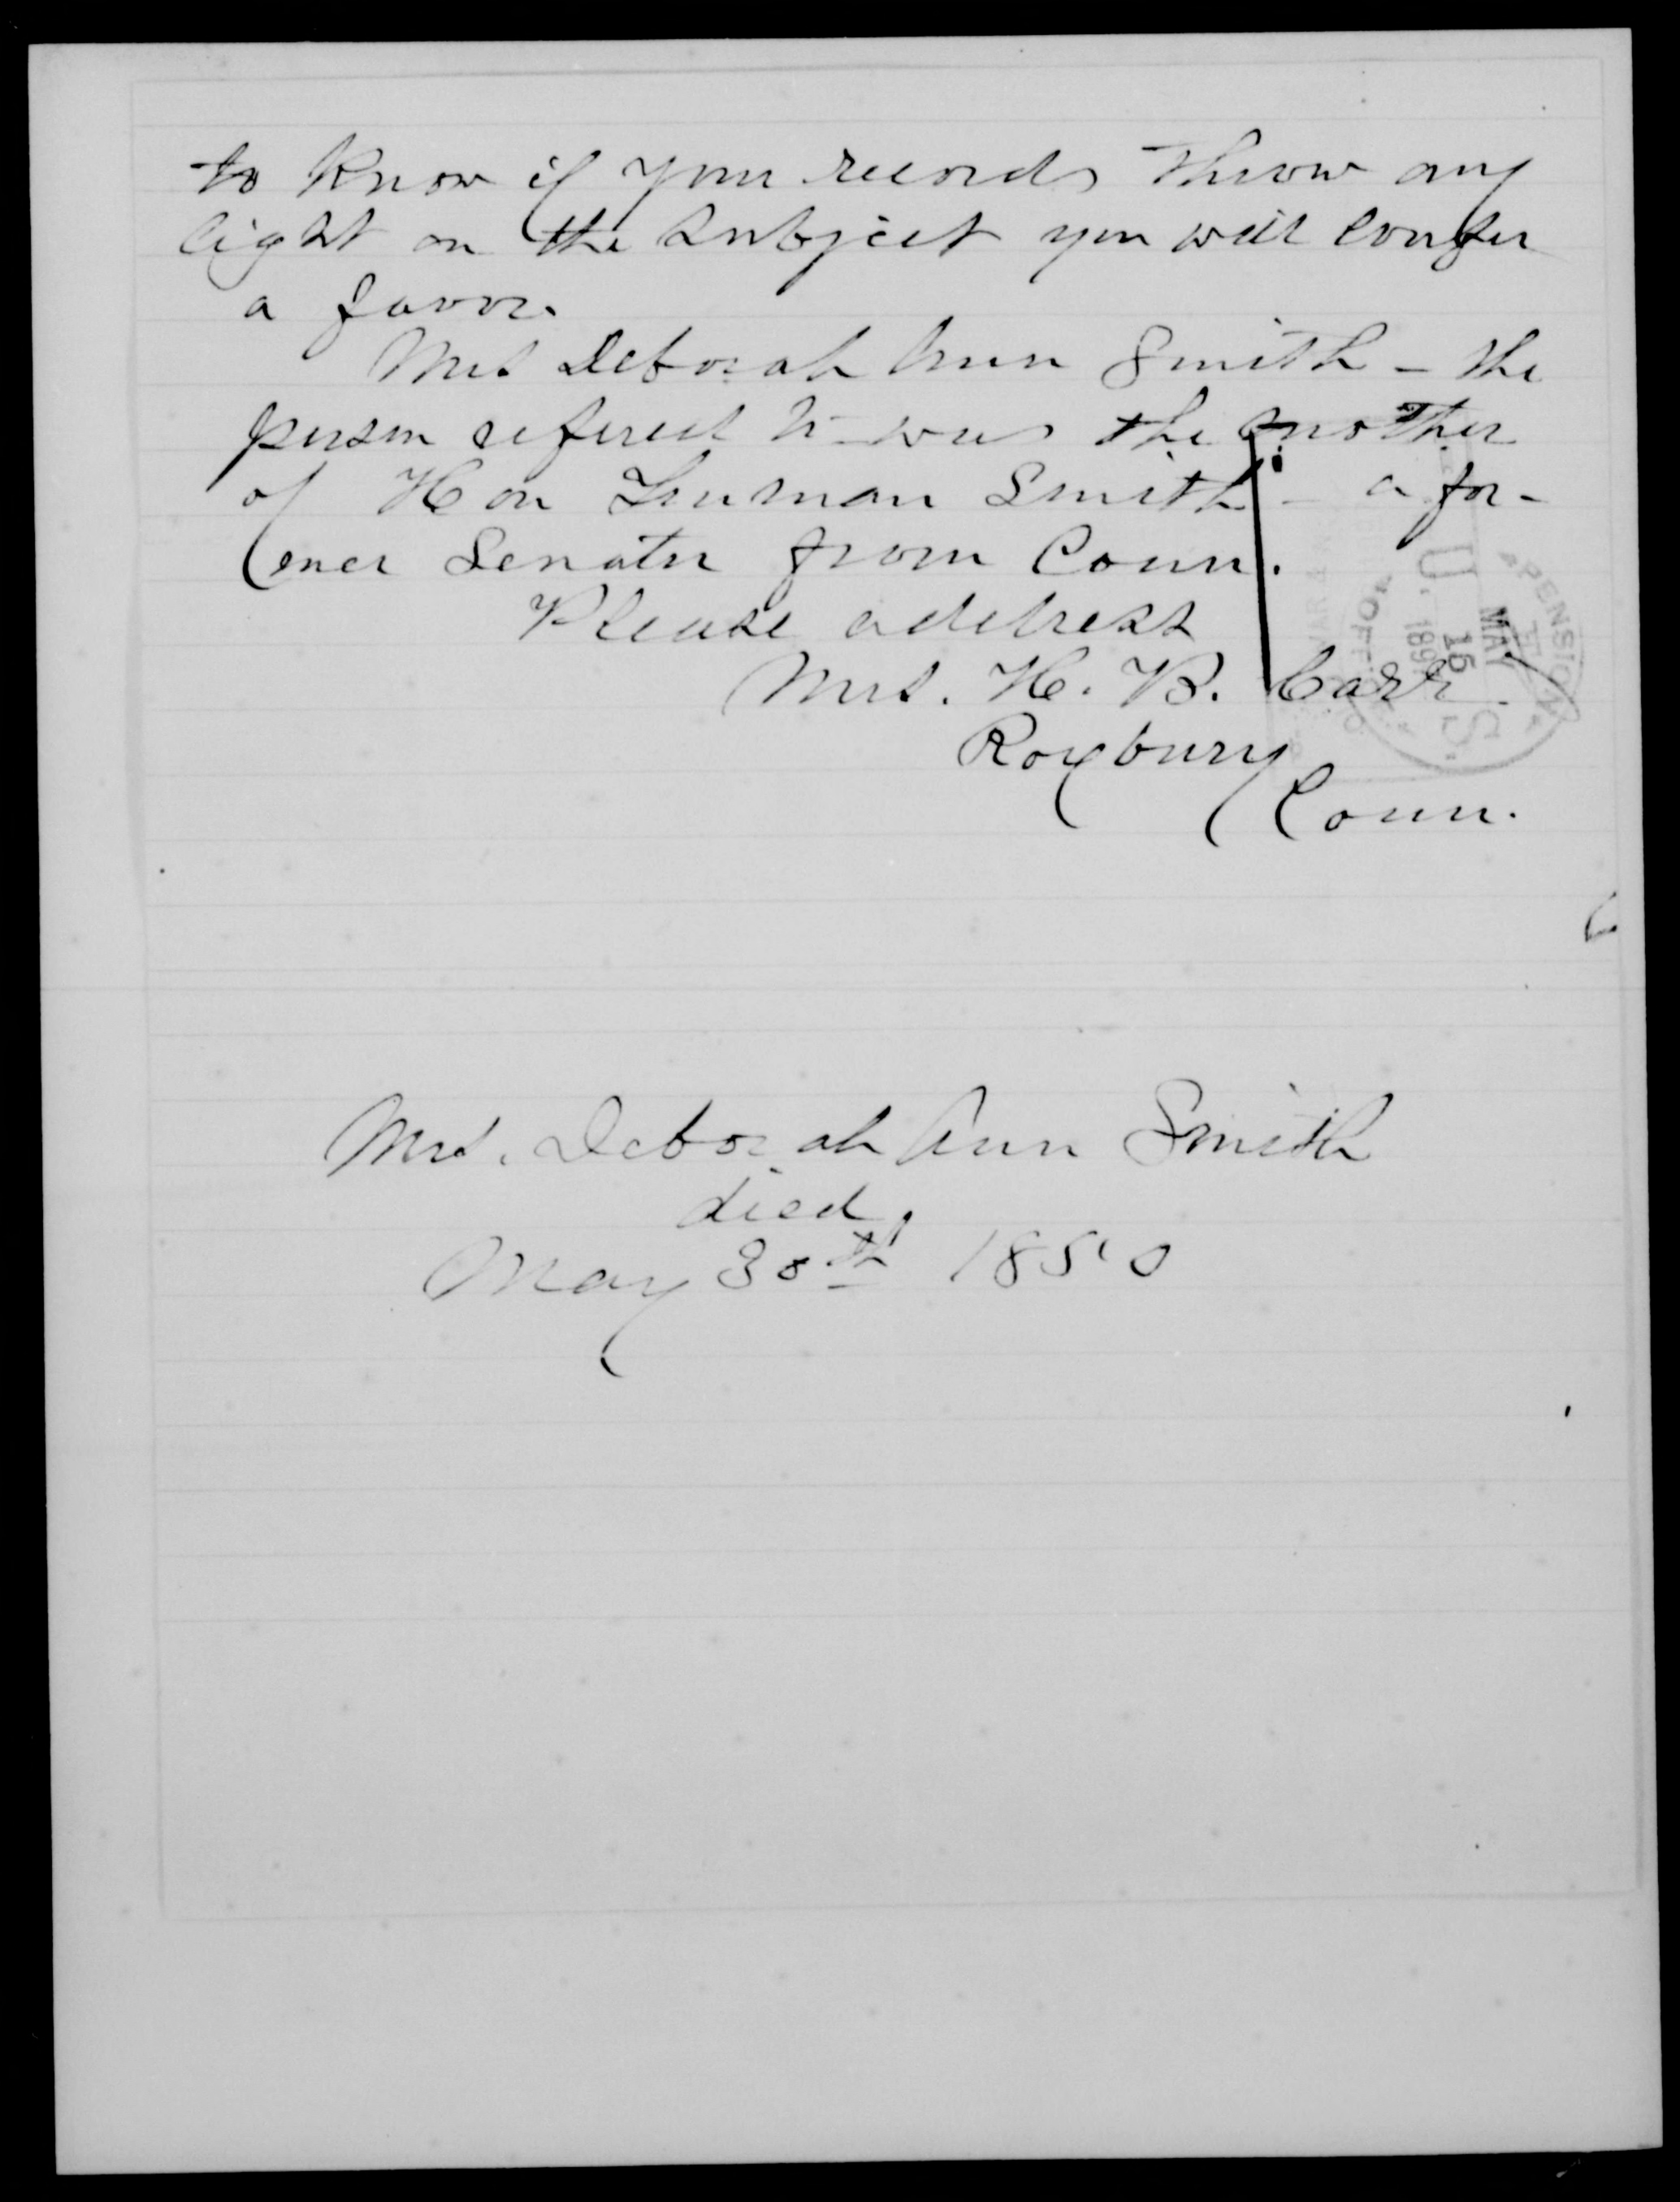to know if your records throw any light on the subject, you will confer a favor.   
Mrs. Deborah Ann Smith - the person refered to was the mother of Hon Truman Smith, a former Senator from Conn.
Please address Mrs. H. B. Carr 
Roxbury Conn.
Mrs. Deborah Ann Smith died May 30th 1850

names: H B Carr; Deborah Ann Smith; Truman Smith; Deborah Ann Smith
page: 54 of 55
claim: widow's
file: W. 11480, for Phinehas Smith, Connecticut